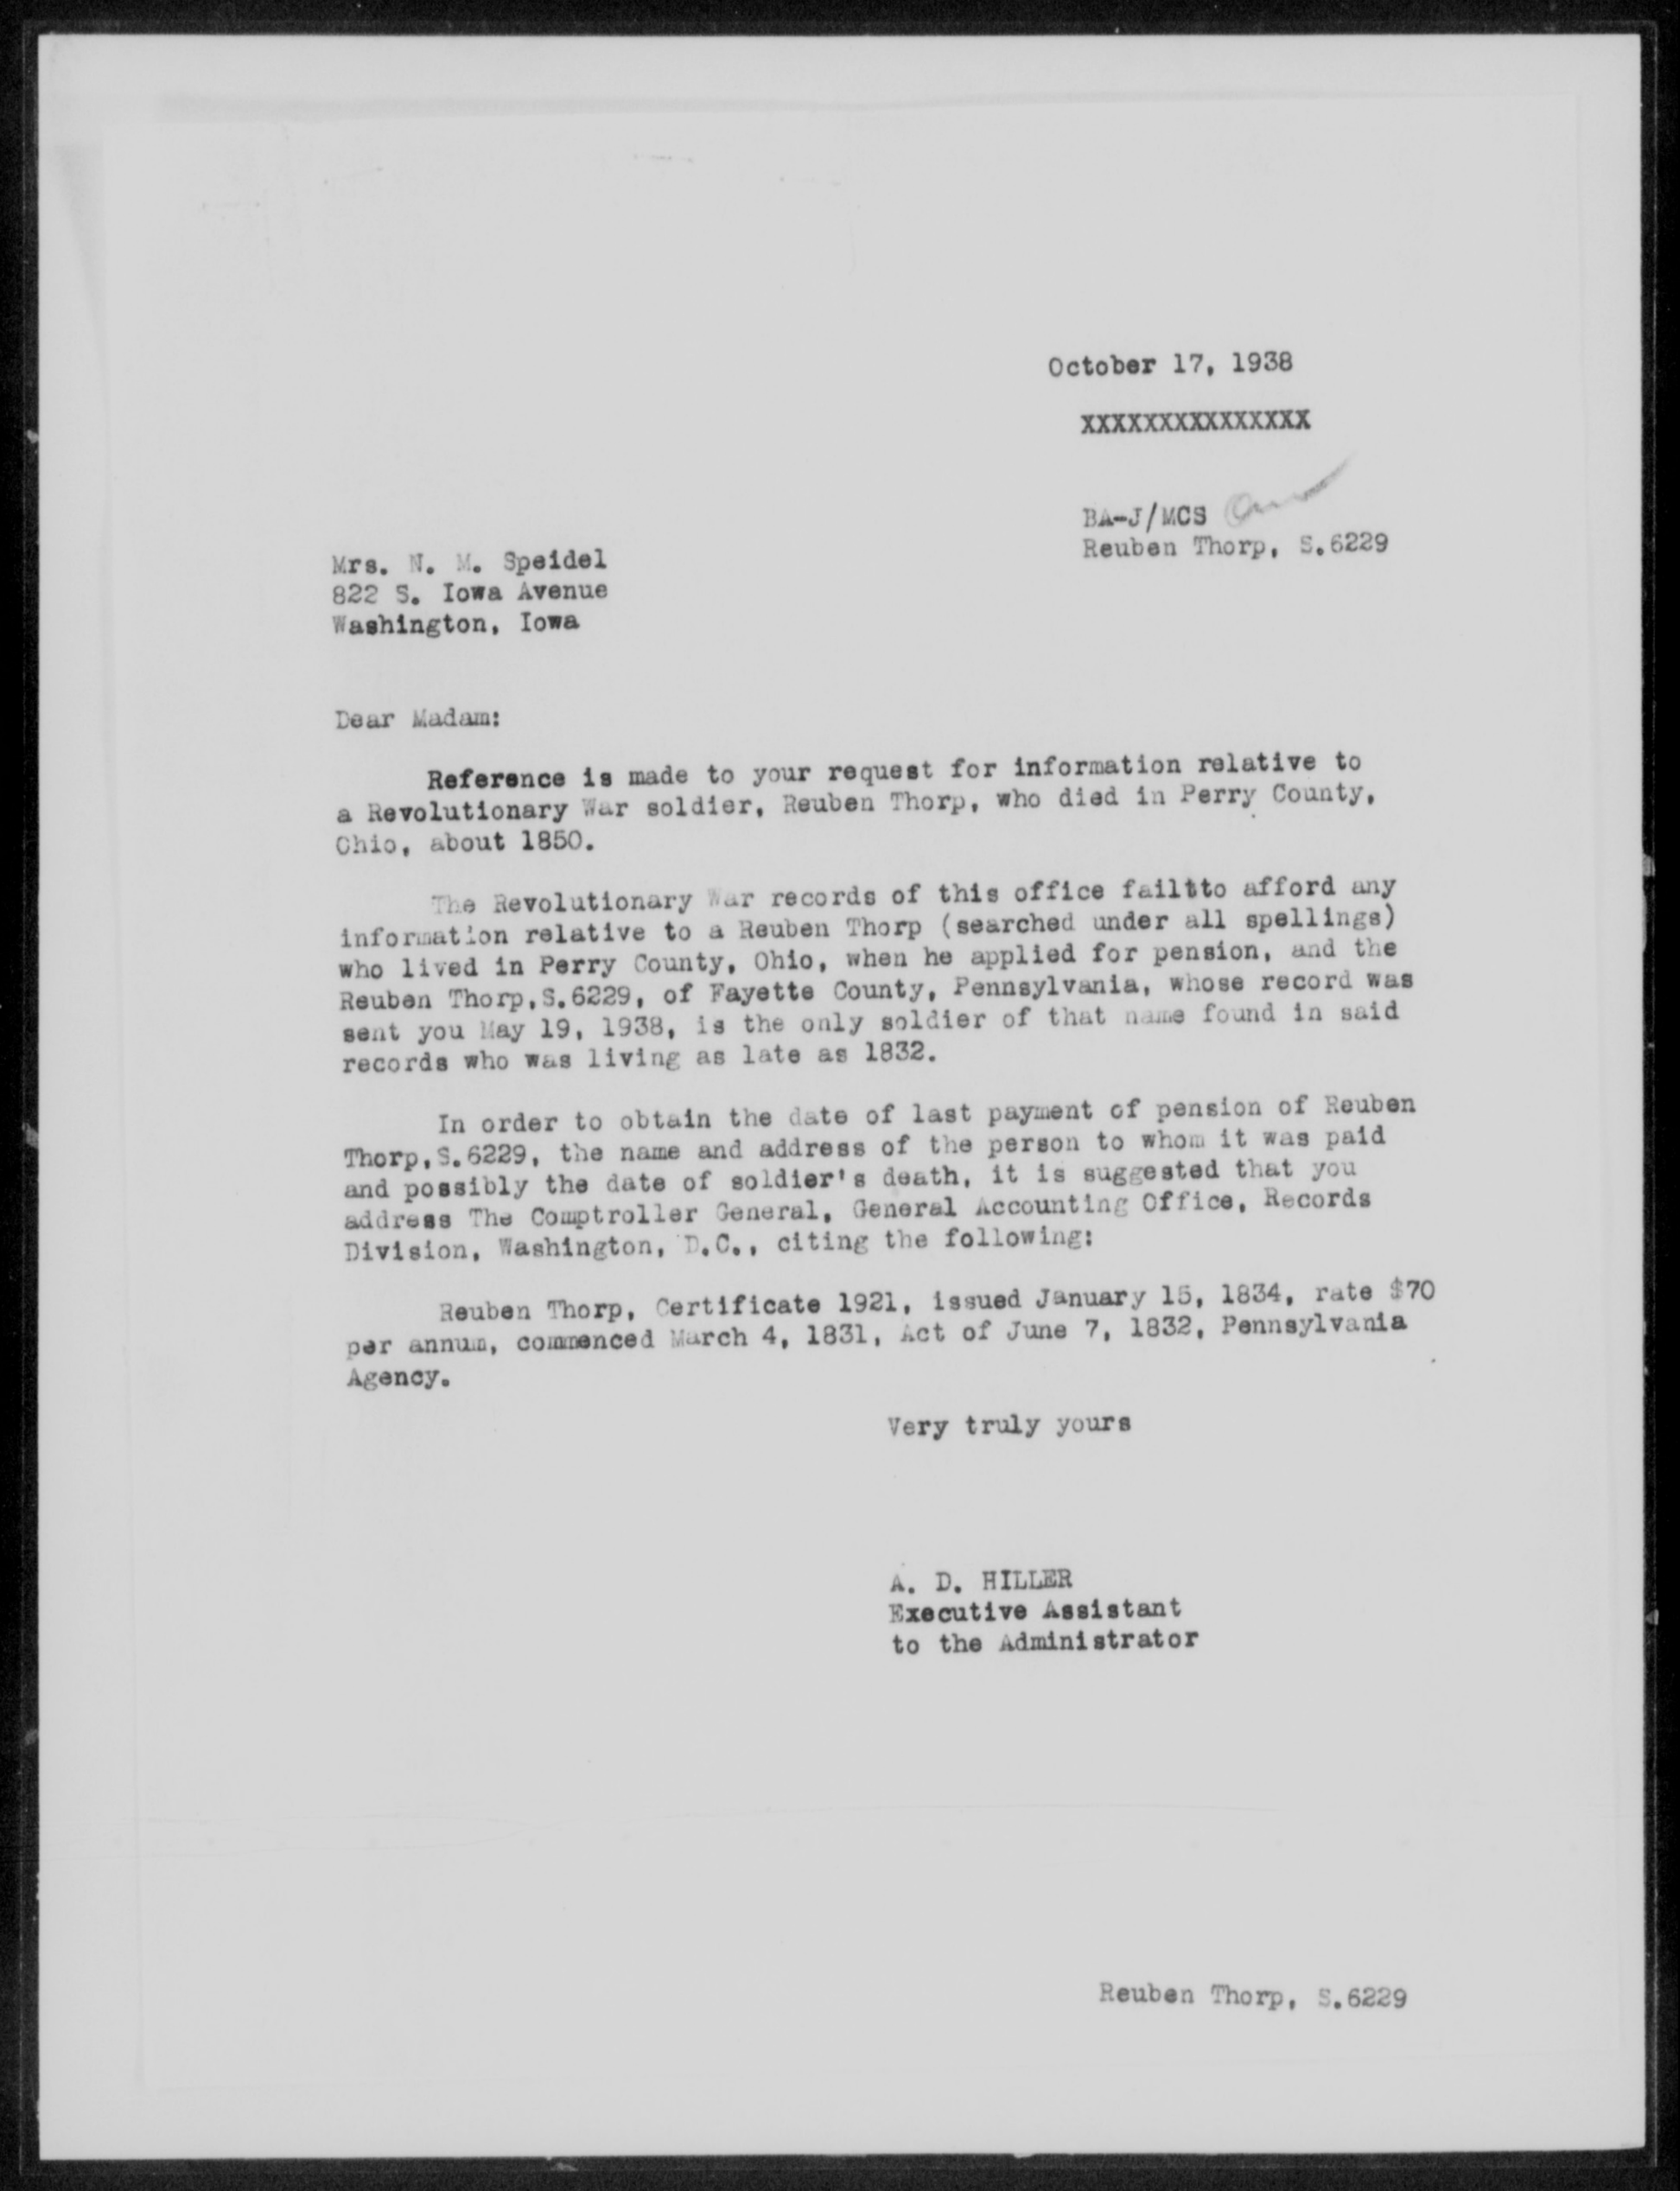October 17, 1938
XXXXXXXXXXXXXXX
BA-J/MCS
Reuben Thorp, S. 6229

Mrs. N. M. Speidel
822 S. Iowa Avenue
Washington, Iowa

Dear Madam:
Reference is made to your request for information relative to
a Revolutionary War soldier, Reuben Thorp, who died in Perry County,
Ohio, about 1850.

The Revolutionary War records of this office fail to afford any
information relative to a Reuben Thorp (searched under all spellings)
who lived in Perry County, Ohio, when he applied for pension, and the
Reuben Thorp, S. 6229, of Fayette County, Pennsylvania, whose record was
sent you May 19, 1938, is the only soldier of that name found in said
records who was living as late as 1832.

In order to obtain the date of last payment of pension of Reuben
Thorp, S. 6229, the name and address of the person to whom it was paid
and possibly the date of soldier's death, it is suggested that you
address The Comptroller General, General Accounting Office, Records
Division, Washington, D.C., citing the following:

Reuben Thorp, Certificate 1921, issued January 15, 1834, rate $70
per annum, commenced March 4, 1831, Act of June 7, 1832, Pennsylvania
Agency.
Very truly yours
A. D. HILLER
Executive Assistant
to the Administrator

Reuben Thorp, S.6229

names: Reuben Thorp; Reuben Thorp; Reuben Thorp; Reuben Thorp; A D Hiller; Reuben Thorp; N M Speidel; Reuben Thorp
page: 28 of 28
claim: survivor's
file: S. 6229, for Reuben Thorp, New Jersey